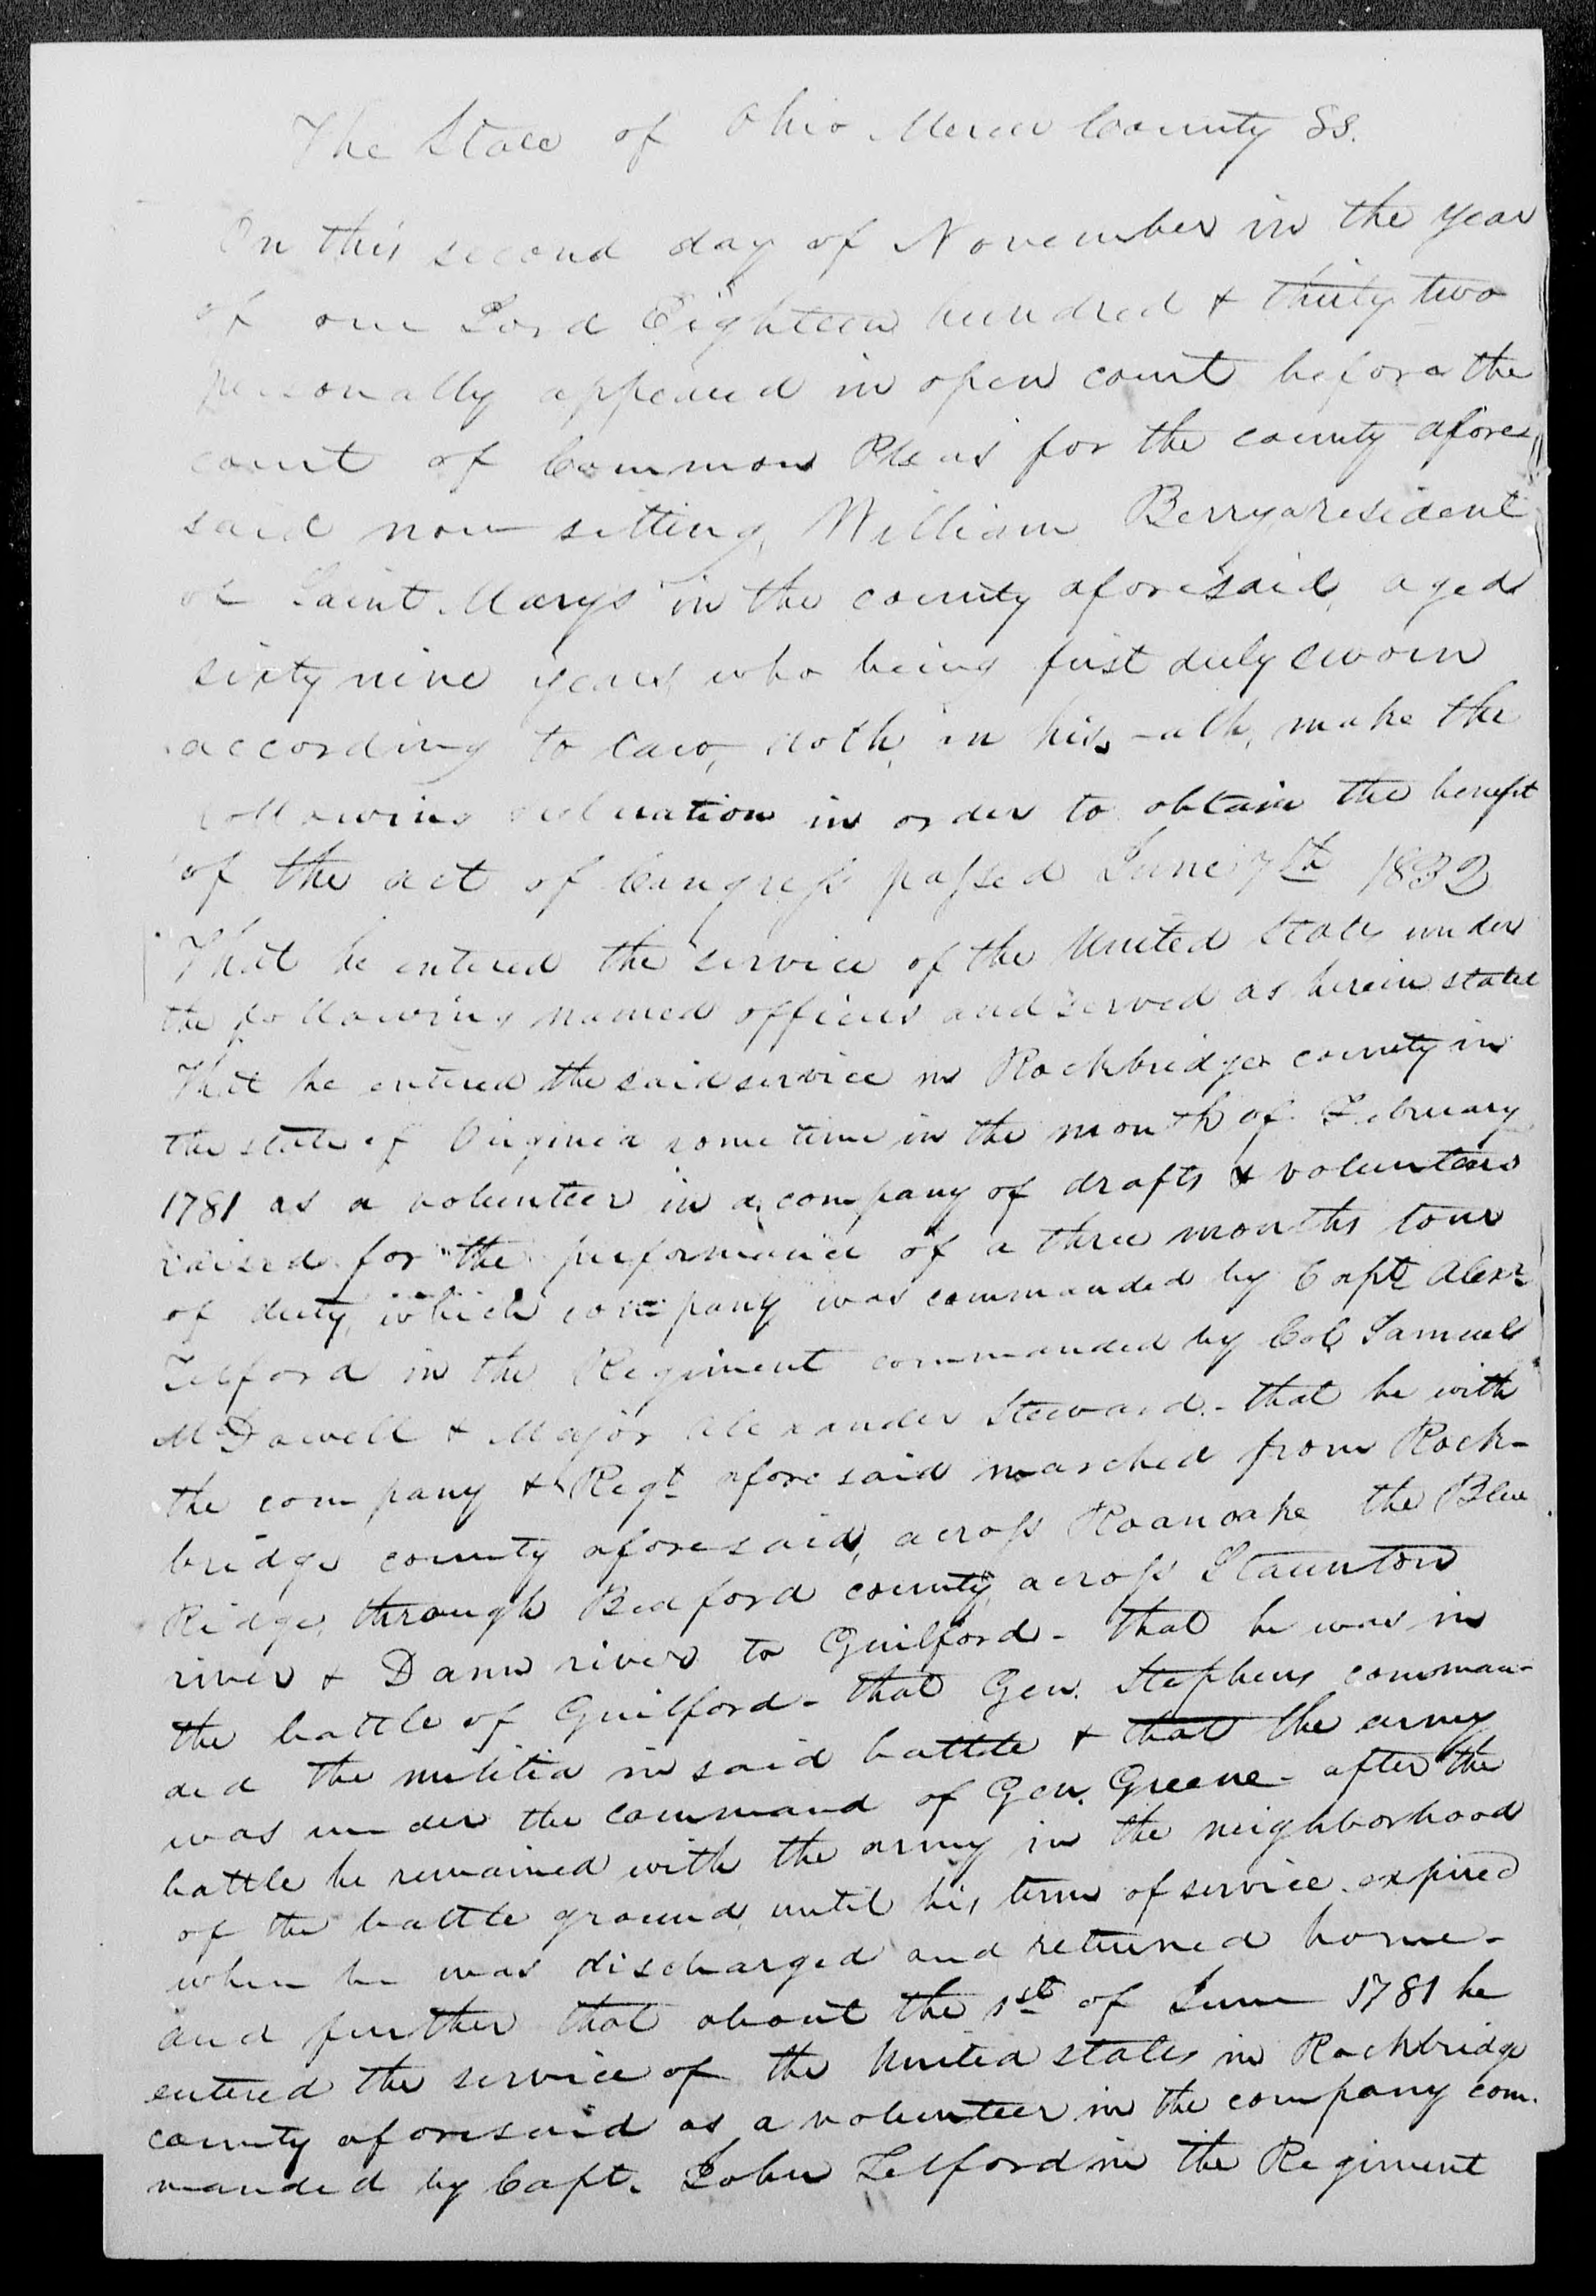The State of Ohio Mercer County SS. 
On this second day of November in the year of our Lord Eighteen hundred & thirty two personally appeared in open court before the court of Common Pleas for county aforesaid now sitting, William Berry a resident of Saint Mary’s in the county aforesaid, aged sixty nine years, who being first duly sworn according to law, doth, on his oath, make the following declaration in order to obtain the benefit of the act of Congress passed June 7th 1832
That he entered the service of the United States under the following named officers and served as herein stated 
That he entered the said service in Rockbridge county in the state of Virginia some time in the month of February 1781 as a volunteer in a company of drafts & volunteers raised for the performance of a three months tour of duty, which company was commanded by Capt. Alex’r. Telford [Alexander Telford] in the Regiment commanded by Col. Samuel McDowell & Major Alexander Steward [also spelled Alexander Stuart] – that he with the company & Reg’t. [Regiment] aforesaid marched from Rockbridge county aforesaid, across Roanoake [Roanoke River] the Blue Ridge, through Bedford county across Staunton river & Dann river [sic: Dan River] to Guilford – that he was in the battle of Guilford [Guilford Courthouse NC, 15 Mar 1781] – that Gen. Stephens [sic: Edward Stevens VAS1922] commanded the militia in said battle & that the army was under the command of Gen. [Nathanael] Greene – after the battle he remained with the army in the neighborhood of the battle ground until his term of service expired when he was discharged and returned home – 
And further that about the 1st of June 1781 he entered the service of the United states in Rockbridge county aforesaid as a volunteer in the company commanded by Capt. John Telford in the Regiment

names: Greene, Stephens, Samuel Mc Dowell, John Tilford, William Berry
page: 4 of 21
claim: survivor's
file: S. 2,371, William Berry, Va.